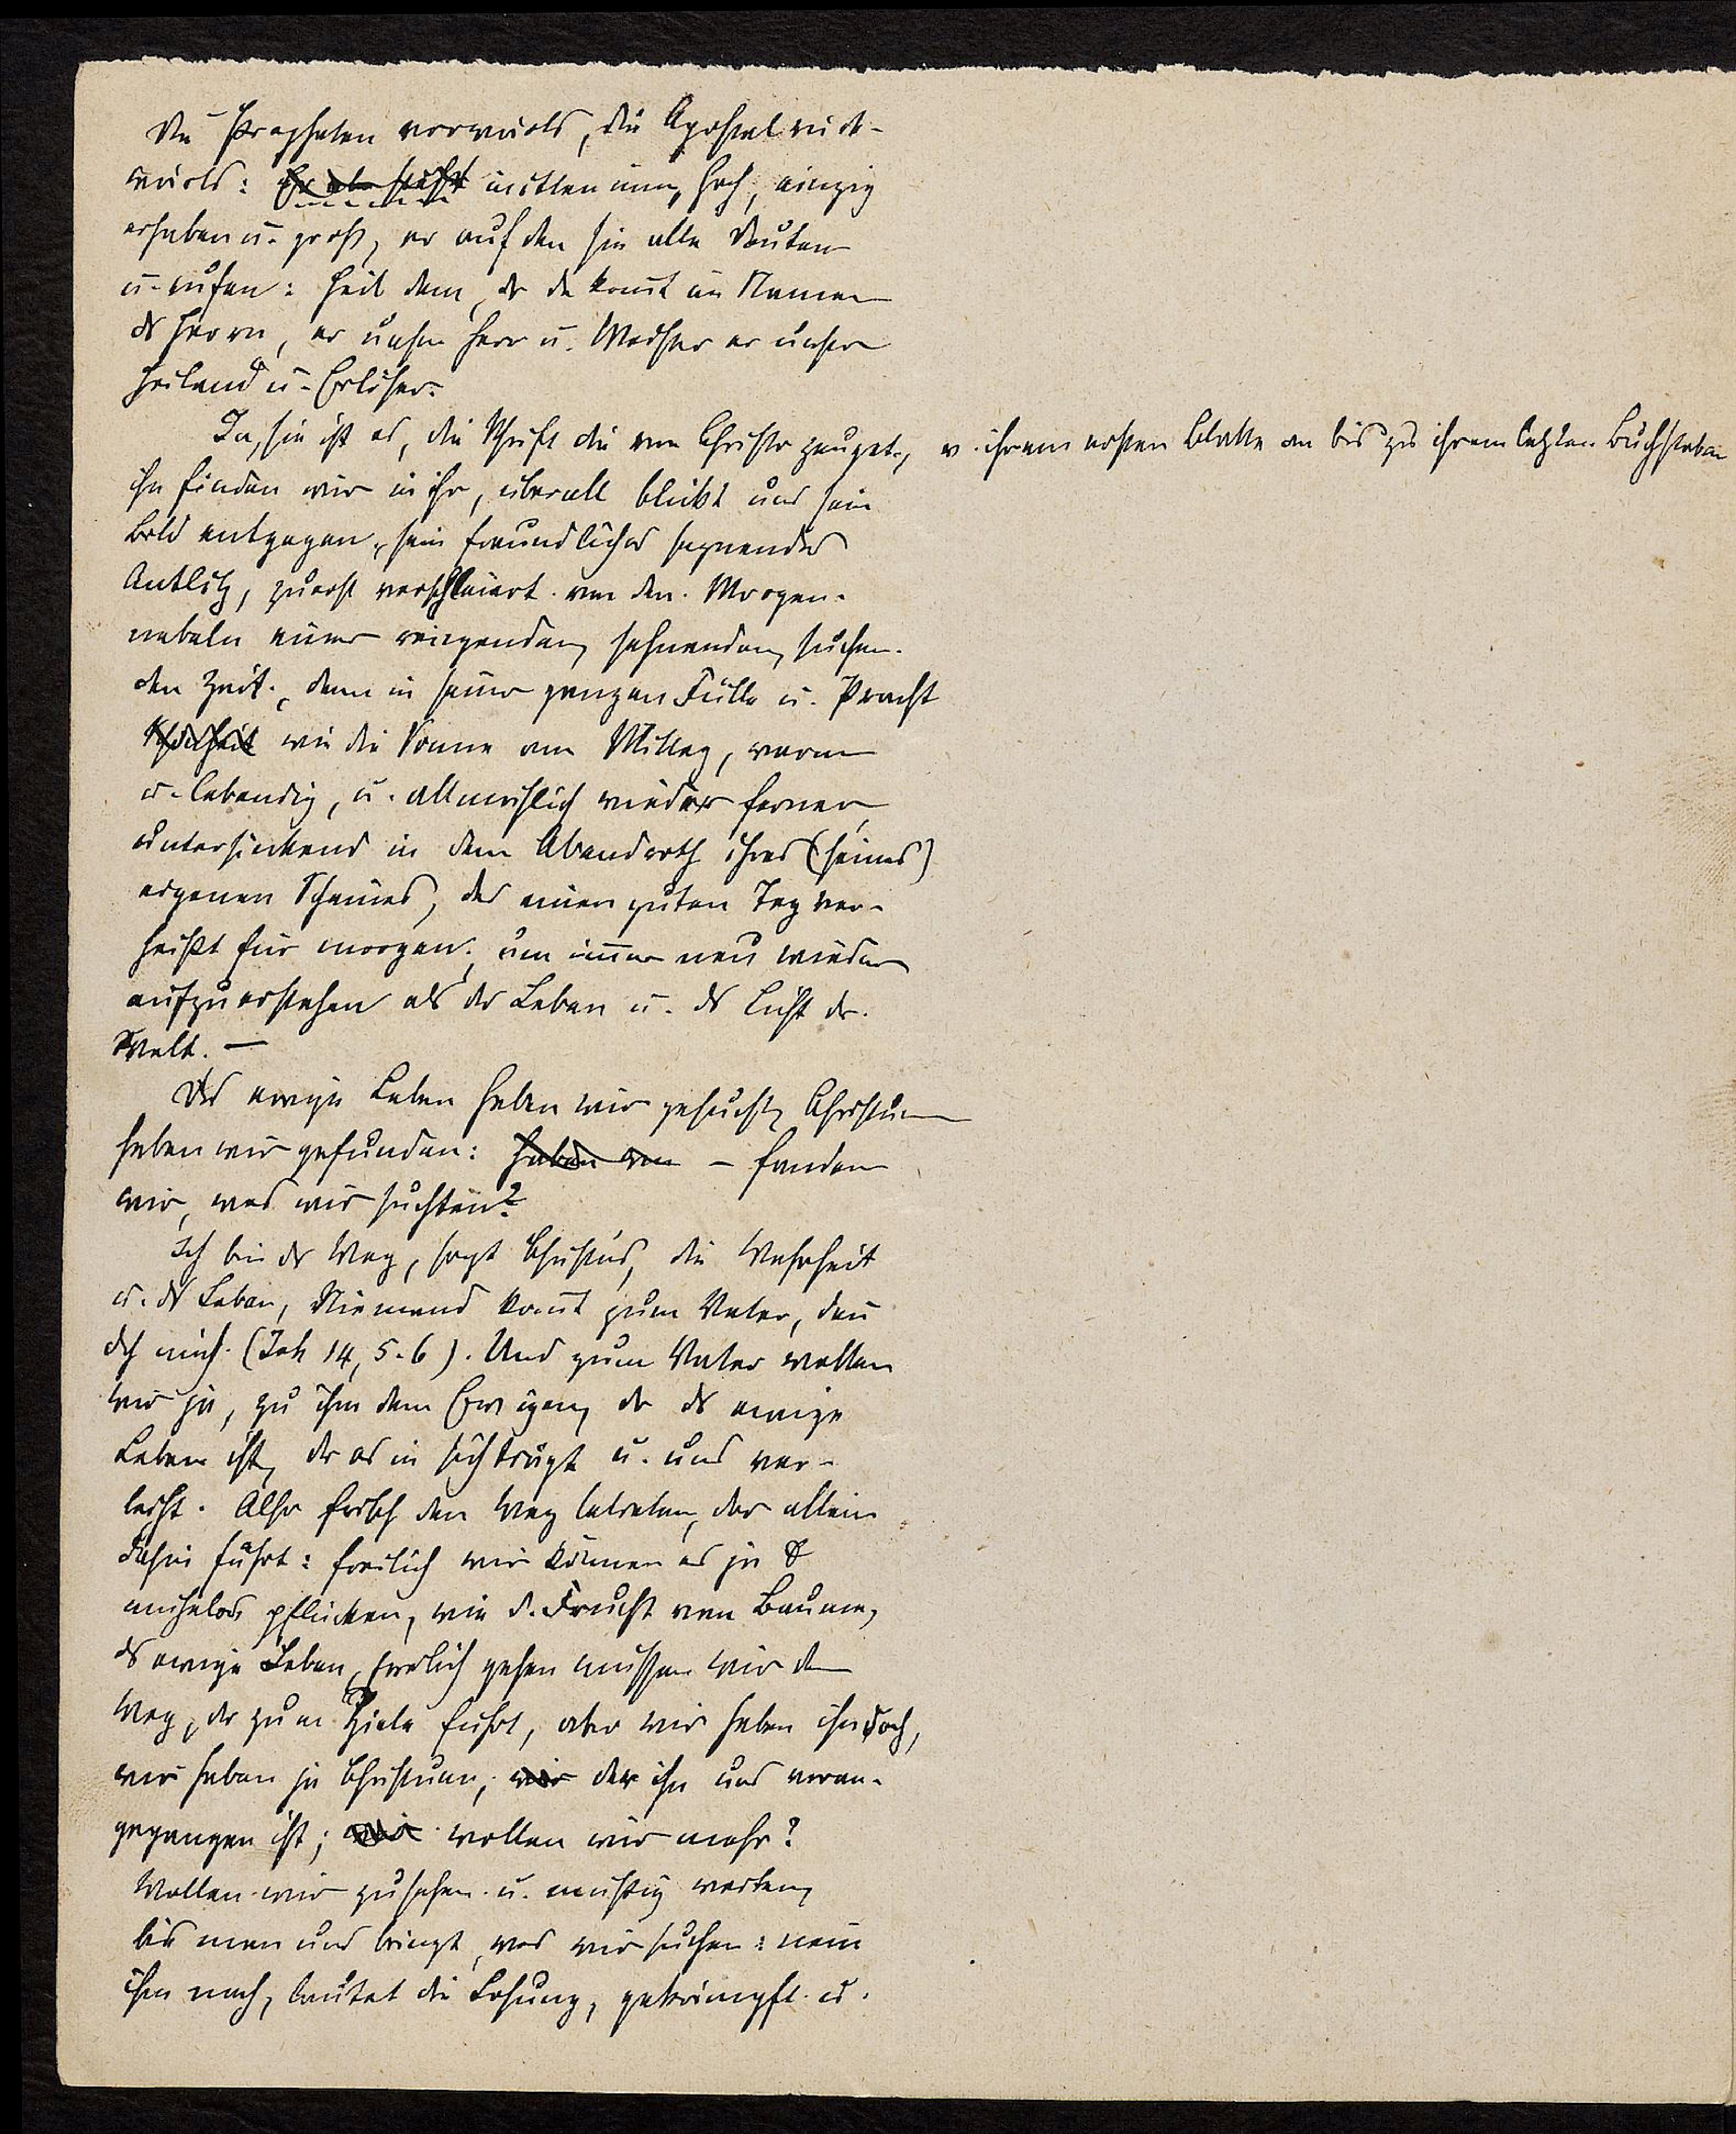die Propheten vorwärts, die Apostel rück¬
wärts: Er ab steht mitten ein, hoch, einzig
erhaben u. groß, er auf den sie alle deuten
u. rufen: Heil dem, dr da komt im Namen
ds Herrn, er unser Herr u Meister er unsr
Heiland u. Erlöser.
Ja, sie ist es, die Schrif die von Christo zeuget,
ihn finden wir in ihr, überall blickt uns sein
Bild entgegen, sein freundliches segnendes
Antlitz, zuerst verschleiert von den Morgen¬
nebeln einer reinzenden, sehnenden, suchen¬
den Zeit, dann in seiner ganzen Fülle u. Pracht
Schönheit, wie die Sonne am Mittag, warm
u. lebendig, u. allmöhlich wieder ferner,
untersinkend in dem Abendroth ihres (seines)
eigenen Scheines, das einen guten Teg ver¬
heißt für morgen. um imr neu wieder
aufzuerstehen als das Leben u. ds Licht dr
Welt. _
Das ewige Leben haben wir gesucht, Christum
haben wir gefunden! habe von _ fanden
wir, was wir suchten?
Ich bei dr Weg, sagt Chistus, die Wahrheit
u. ds Leben, Niemand komt zum Vater, den
dch mich (Joh 14, 5.6). Und zum Vater wollen
wir ja, zu ihm dem Ewigen, dr ds ewige
Leben ist, dr es in sich trägt u. uns ver¬
leiht. Also frisch den Weg betreten, der allein
dahin führt: freilich wir können es ja o
mühelos pflücken, wie d. Frucht vom Baume,
ds ewige Leben, freilich gehen müssen wir den
Weg, dr zum Ziele führt, aber wir haben ihn doch,
wir haben ja Christum, wir der ihn uns voran¬
gegangen ist; wir wollen wir mehr?
Wollen wir zusehen u. müßig warten,
bis man uns bringt, was wir suchen: nein
ihm nach, lautet die Losung, gekämpft u.
v ihrem ersten Blatte an bis zu ihrem letzten Buchstaben